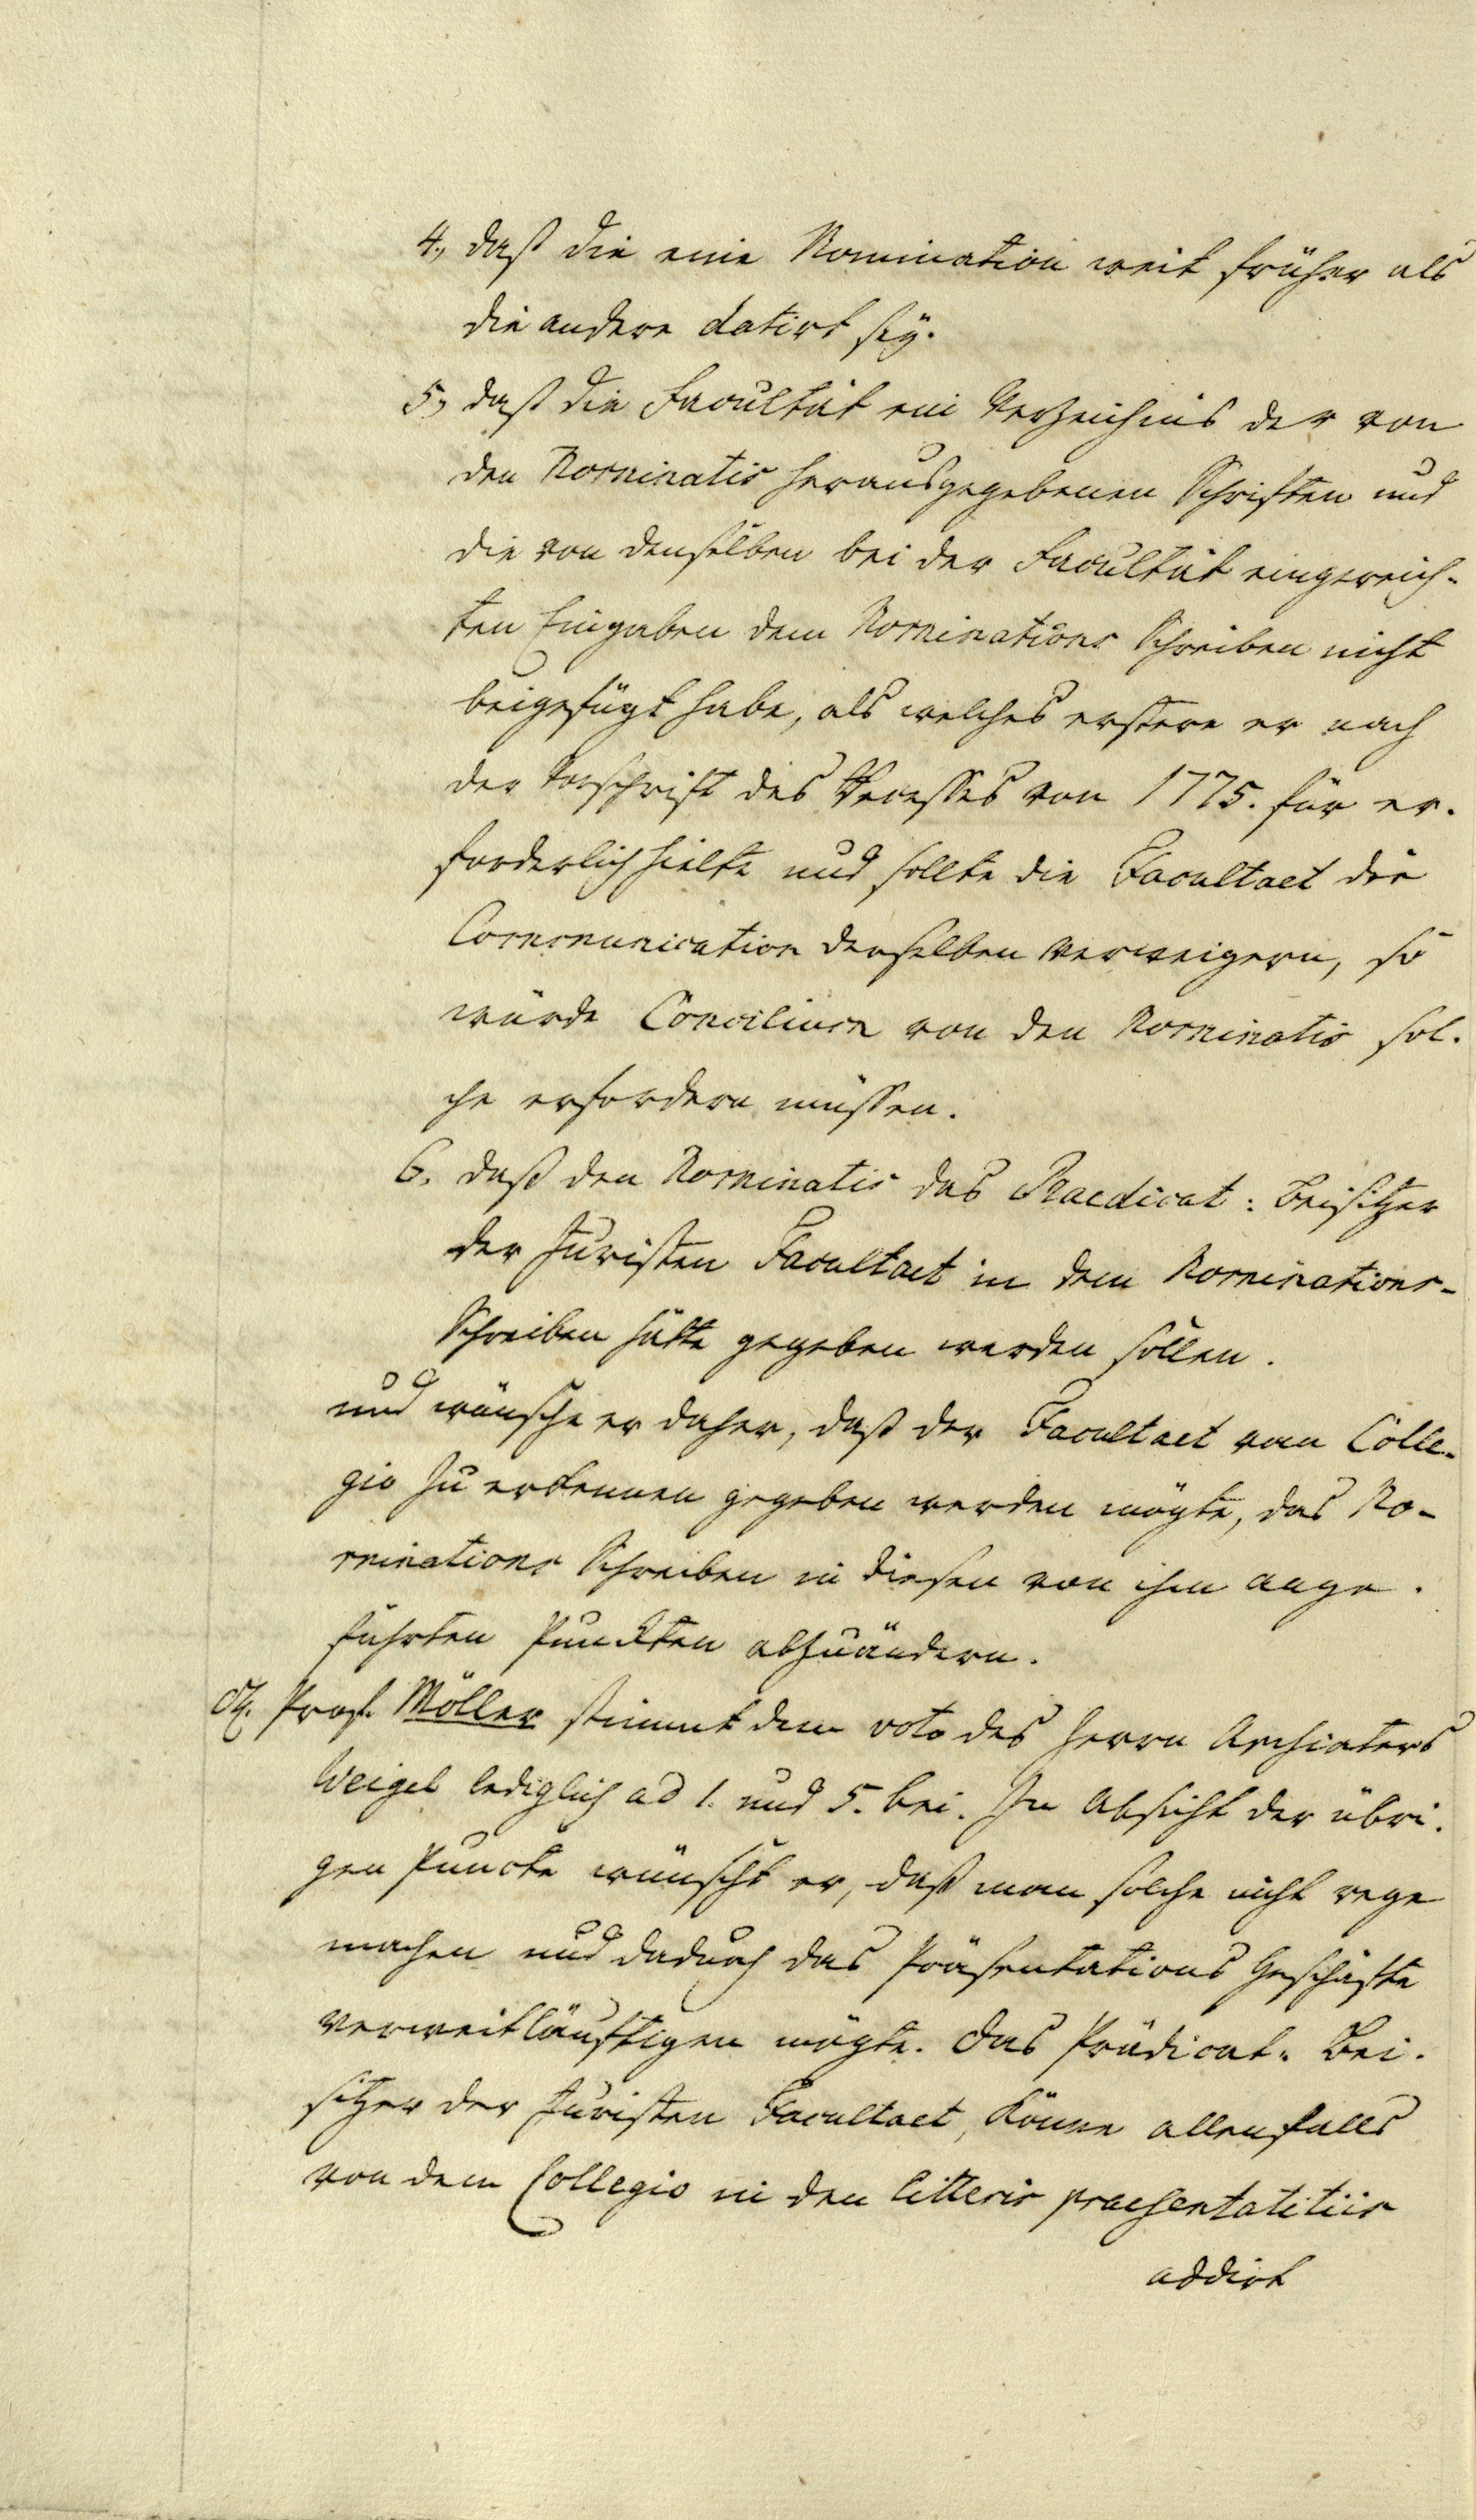4., daß die eine Nomination weit früher als
die andere datirt seÿ.
5., daß die Facultät ein Verzeichnis der von
den Nominatis herausgegebenen Schriften und
die von denselben bei der Facultät eingereich¬
ten Eingaben dem Nominations Schreiben nicht
beigefügt habe, als welches erstere er nach
der Vorschrift des Recesses von 1775. für er¬
forderlich hielte und sollte die Facultaet die
Communication derselben verweigern, so
würde Concilium von den Nominatis sol¬
che erfordern müssen.
6., daß den Nominatis das Praedicat: Beisitzer
der Juristen Facultaet in dem Nominations
Schreiben hätte gegeben werden sollen.
und wünsche er daher, daß der Facultaet vom Colle¬
gio zu erkennen gegeben werden mögte, das No¬
minations Schreiben in diesen von ihm ange¬
führten Punckten abzuändern.
dh. Prof. Möller stimmt dem voto des Herrn Archiaters
Weigel lediglich ad 1. und 5. bei. In Absicht der übri¬
gen Puncte wünscht er, daß man solche nicht rege
machen und dadurch das Präsentations Geschäfte
verweitläuftigen mögte. Das Prädicat: Bei¬
sitzer der Juristen Facultaet, könne allenfalls
von dem Collegio in den litteris praesentatitiis
addirt